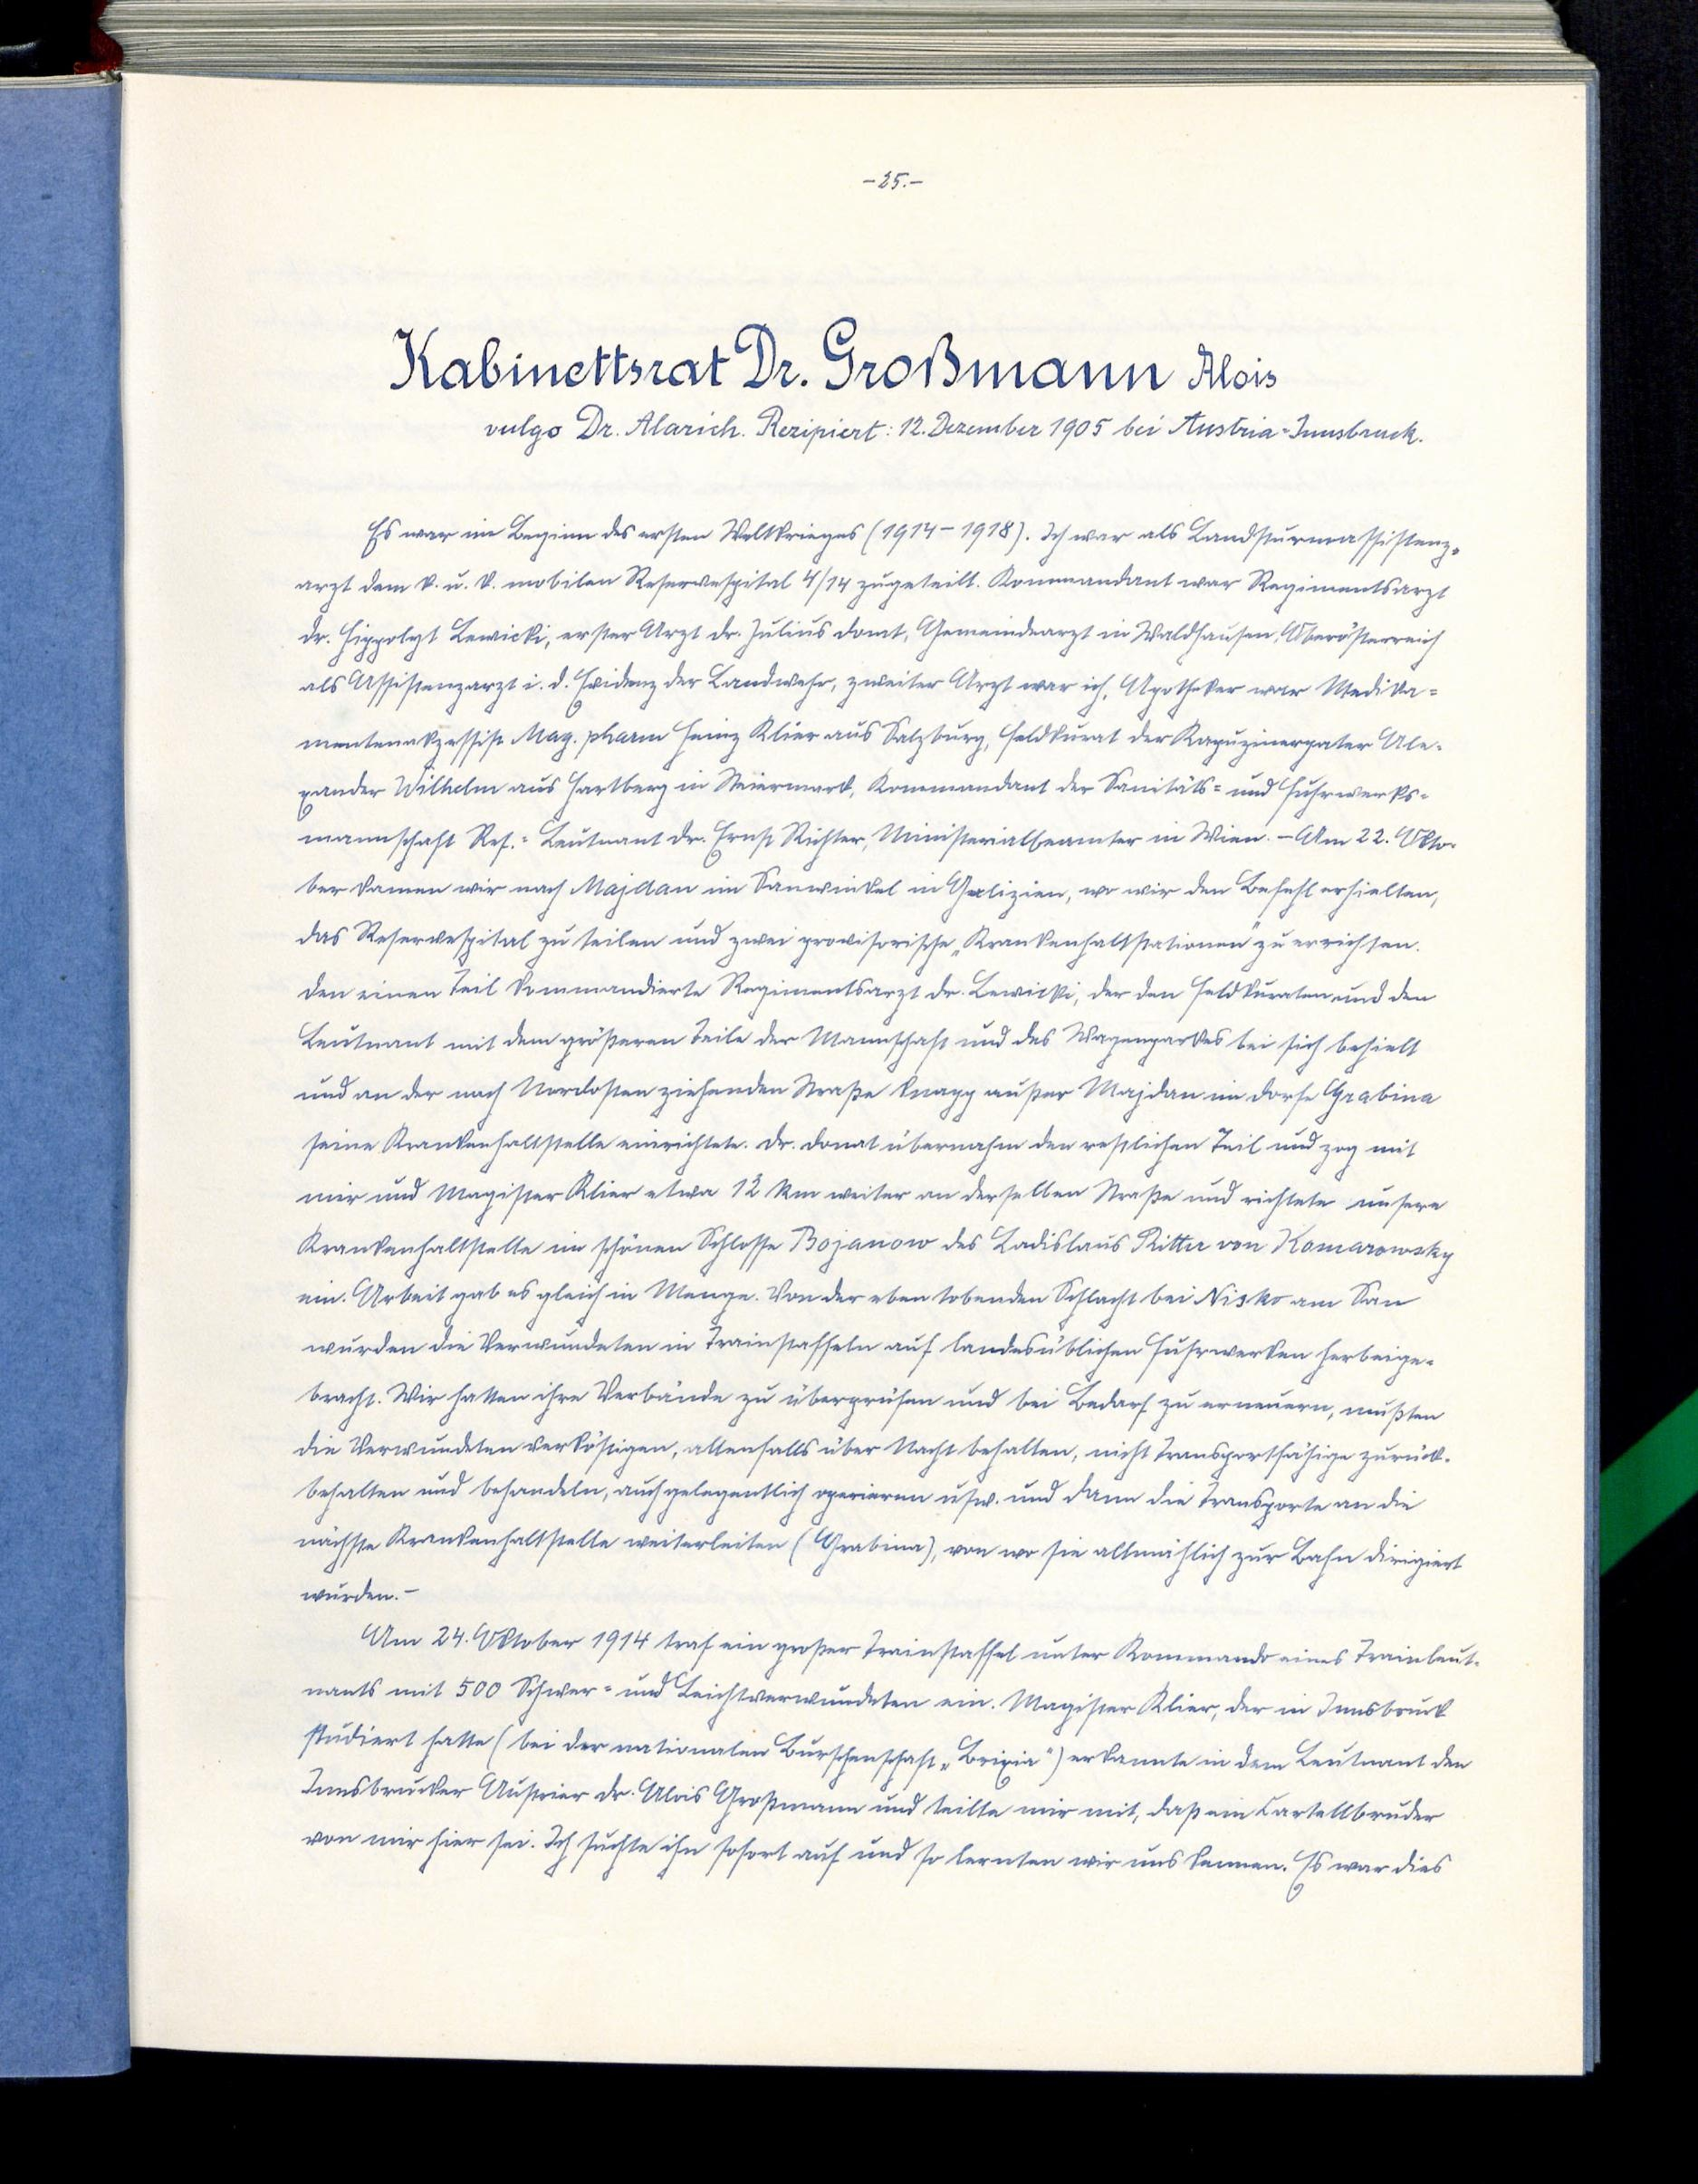25
Kabinettsrat Dr. Großmann Alois
vulgo Dr. Alarich, Rezipiert 12. Dezember 1905 bei Austria-Innsbruck
Es war im Beginn des ersten Weltkrieges (1914-1918). Ich war als Landsturmassistenz-
arzt dem k. u. k. Reservespital 4/14 zugeteilt. Kommandant war Regimentsarzt
Dr. Hippolyt Lewicki, erster Arzt Dr. Julius Donat, Gemeindearzt in Waldhausen Oberösterreich
als Assistenzarzt i. d. Evidenz der Landwehr zweiter Arzt war ich, Apotheker war Medika-
mentenakzessist Mag. pharm Heinz Klier aus Salzburg, Feldkurat der Kapuzinerpater Ale-
xander Wilhelm aus Hartberg in Steiermark, Kommandant der Sanitäts- und Fuhrwerks-
mannschaft Res.-Leutnant Dr. Ernst Richter, Ministerialbeamter in Wien.- Am 22. Okto-
ber kamen wir nach Majdan im Sanwinkel in Galizien wo wir den Befehl erhielten,
das Reservespital zu teilen und zwei provisorische „Krankhaltstationen“ zu errichten.
Den einen Teil kommandierte Regimentsarzt Dr. Lewicki, der den Feldkuraten und den
Leutnant mit dem größeren Teile der Mannschaft und des Wagenparks bei sich behielt
und an der nach Nordosten ziehenden Straße knapp außer Majdan im Dorfe Grabina
seine Krankenhaltstelle einrichtete. Dr. Donat übernahm den restlichen Teil und zog mit
mir und Magister Klier etwa 12 km weiter an derselben Straße und richtete unsere
Krankenhaltstelle im schönen Schlosse Bojanow des Ladislaus Ritter von Komarowsky
ein. Arbeit gab es gleich in Menge. Von der eben tobenden Schlacht bei Nisko am San
wurden die Verwundeten in Trainstaffeln auf landesüblichen Fuhrwerken herbeige-
gebracht. Wir hatten ihre Verbände zu überprüfen und bei Bedarf zu erneuern, mußten
die Verwundeten verköstigen, allenfalls über Nacht behalten, nicht Transportfähige zurück
behalten und behandeln, auch gelegentlich operierten usw. und dann die Transporte an die
nächste Krankenhaltstelle weiterleiten (Grabina) von wo sie allmählich zur Bahn dirigiert
wurden.
Am 24. Oktober 1914 traf ein großer Trainstaffel unter Kommando eines Trainleut-
nants mit 500 Schwer- und Leichtverwundeten ein. Magister Klier, der in Innsbruck
studiert hatte (bei der nationalen Burschenschaft „Brixia“) erkannte in dem Leutnant
den Innsbrucker Austrier Dr. Alois Großmann und teilte mir mit, dass ein Cartellbruder
von mir hier sei. Ich suchte ihn sofort auf und so lernten wir uns kennen. Es war dies